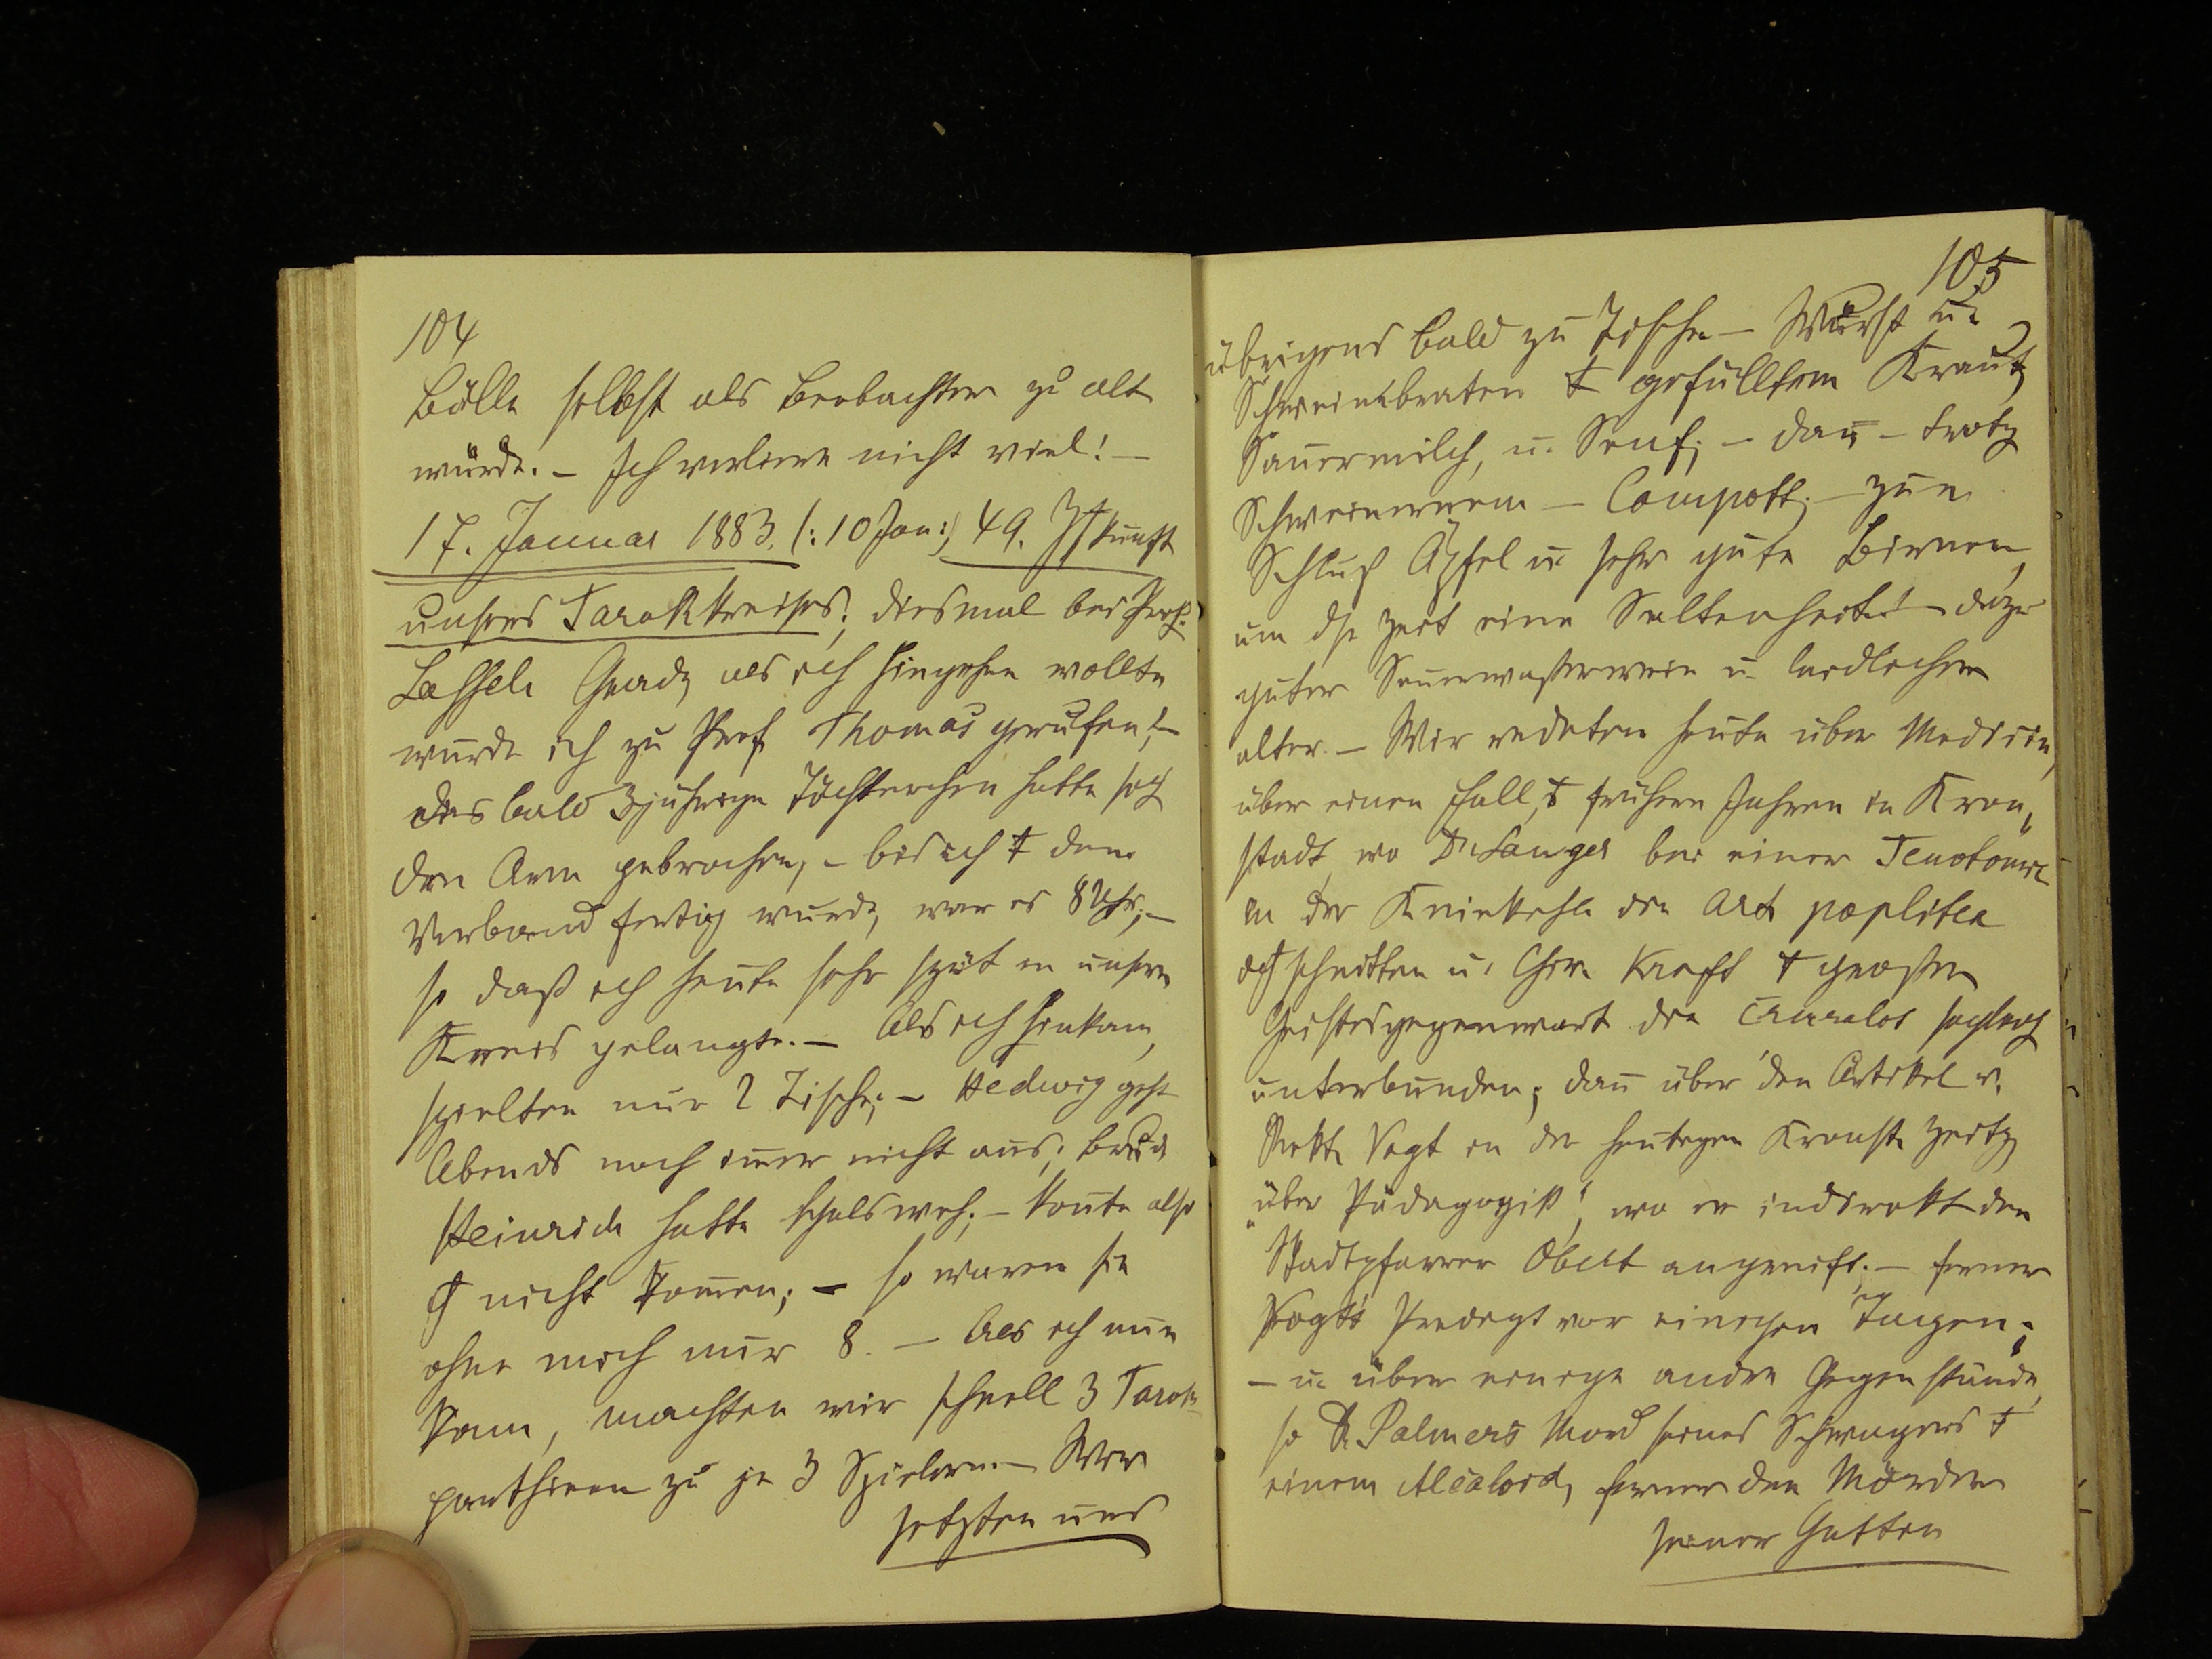104
Bälle selbst als Beobachter zu alt
würde ?-Ich verliere nicht viel !,-
17. Januar 1883 (10 Jan.;) 49. Zusammenkunft
unseres Tarokkreises ; Diesmal bei Prof.
Lassel . Gerade als ich hingehen wollte
wurde ich zu Prof. Thomas gerufen,-
das bald 3 Jährige Töchterchen hatte sich
den Arm gebrochen,- bis ich mit dem
Verband fertig wurde, war es 8 Uhr
so daß ich heute sehr spät zu unserem
Kreis gelangte. Als ich hinkam
spielten nur 2 Tische;- Hedwig geht
Abends noch immer nicht aus;- Bruder
Heinrich hatte Halsweh,- konnte also
auch nicht kommen;- So waren sie
ohne mich nur 8,- Als ich nun
kam, machten wir schnell 3 Tarok¬
parthien zu je 3 Spielern.- Wir
setzen uns
105
übrigens bald zu Tisch,- Wurst und
Schwebraten mit gefüllten Kraut,
Sauermilch und Senf. Dann- trotz
Schweinereien- Compott;- dazu
Äpfel und sehr gute Birnen,
um diese Zeit eine Seltenheit, dazu
guter Sommerweißwein und leidlicher
alter.- Wir redeten heute über Medizin,
über einen Fall aus früheren Jahren in Kron¬
stadt, wo Dr. Langer bei einer Tenotenur
in der Kniekehle die Art. Poplitea
durchschnitten und Chiru. Kraft mit großer
Geistesgegenwart die Crurralot fachlich
unterbunden;-dann über den Artikel von
Rektor Vogt in der heutigen Kronstädter Zeitung „
über Pädagotik „, wo er indirekt den
Stadtpfarrer Obert angreift;- seiner
Vogts Predigt vor einigen Tagen;
- und über einige andere Gegenstände
so Dr. Palmers Mord seines Schwagers mit
einem Tlealord, ferner den Mördern
seiner Gattin---